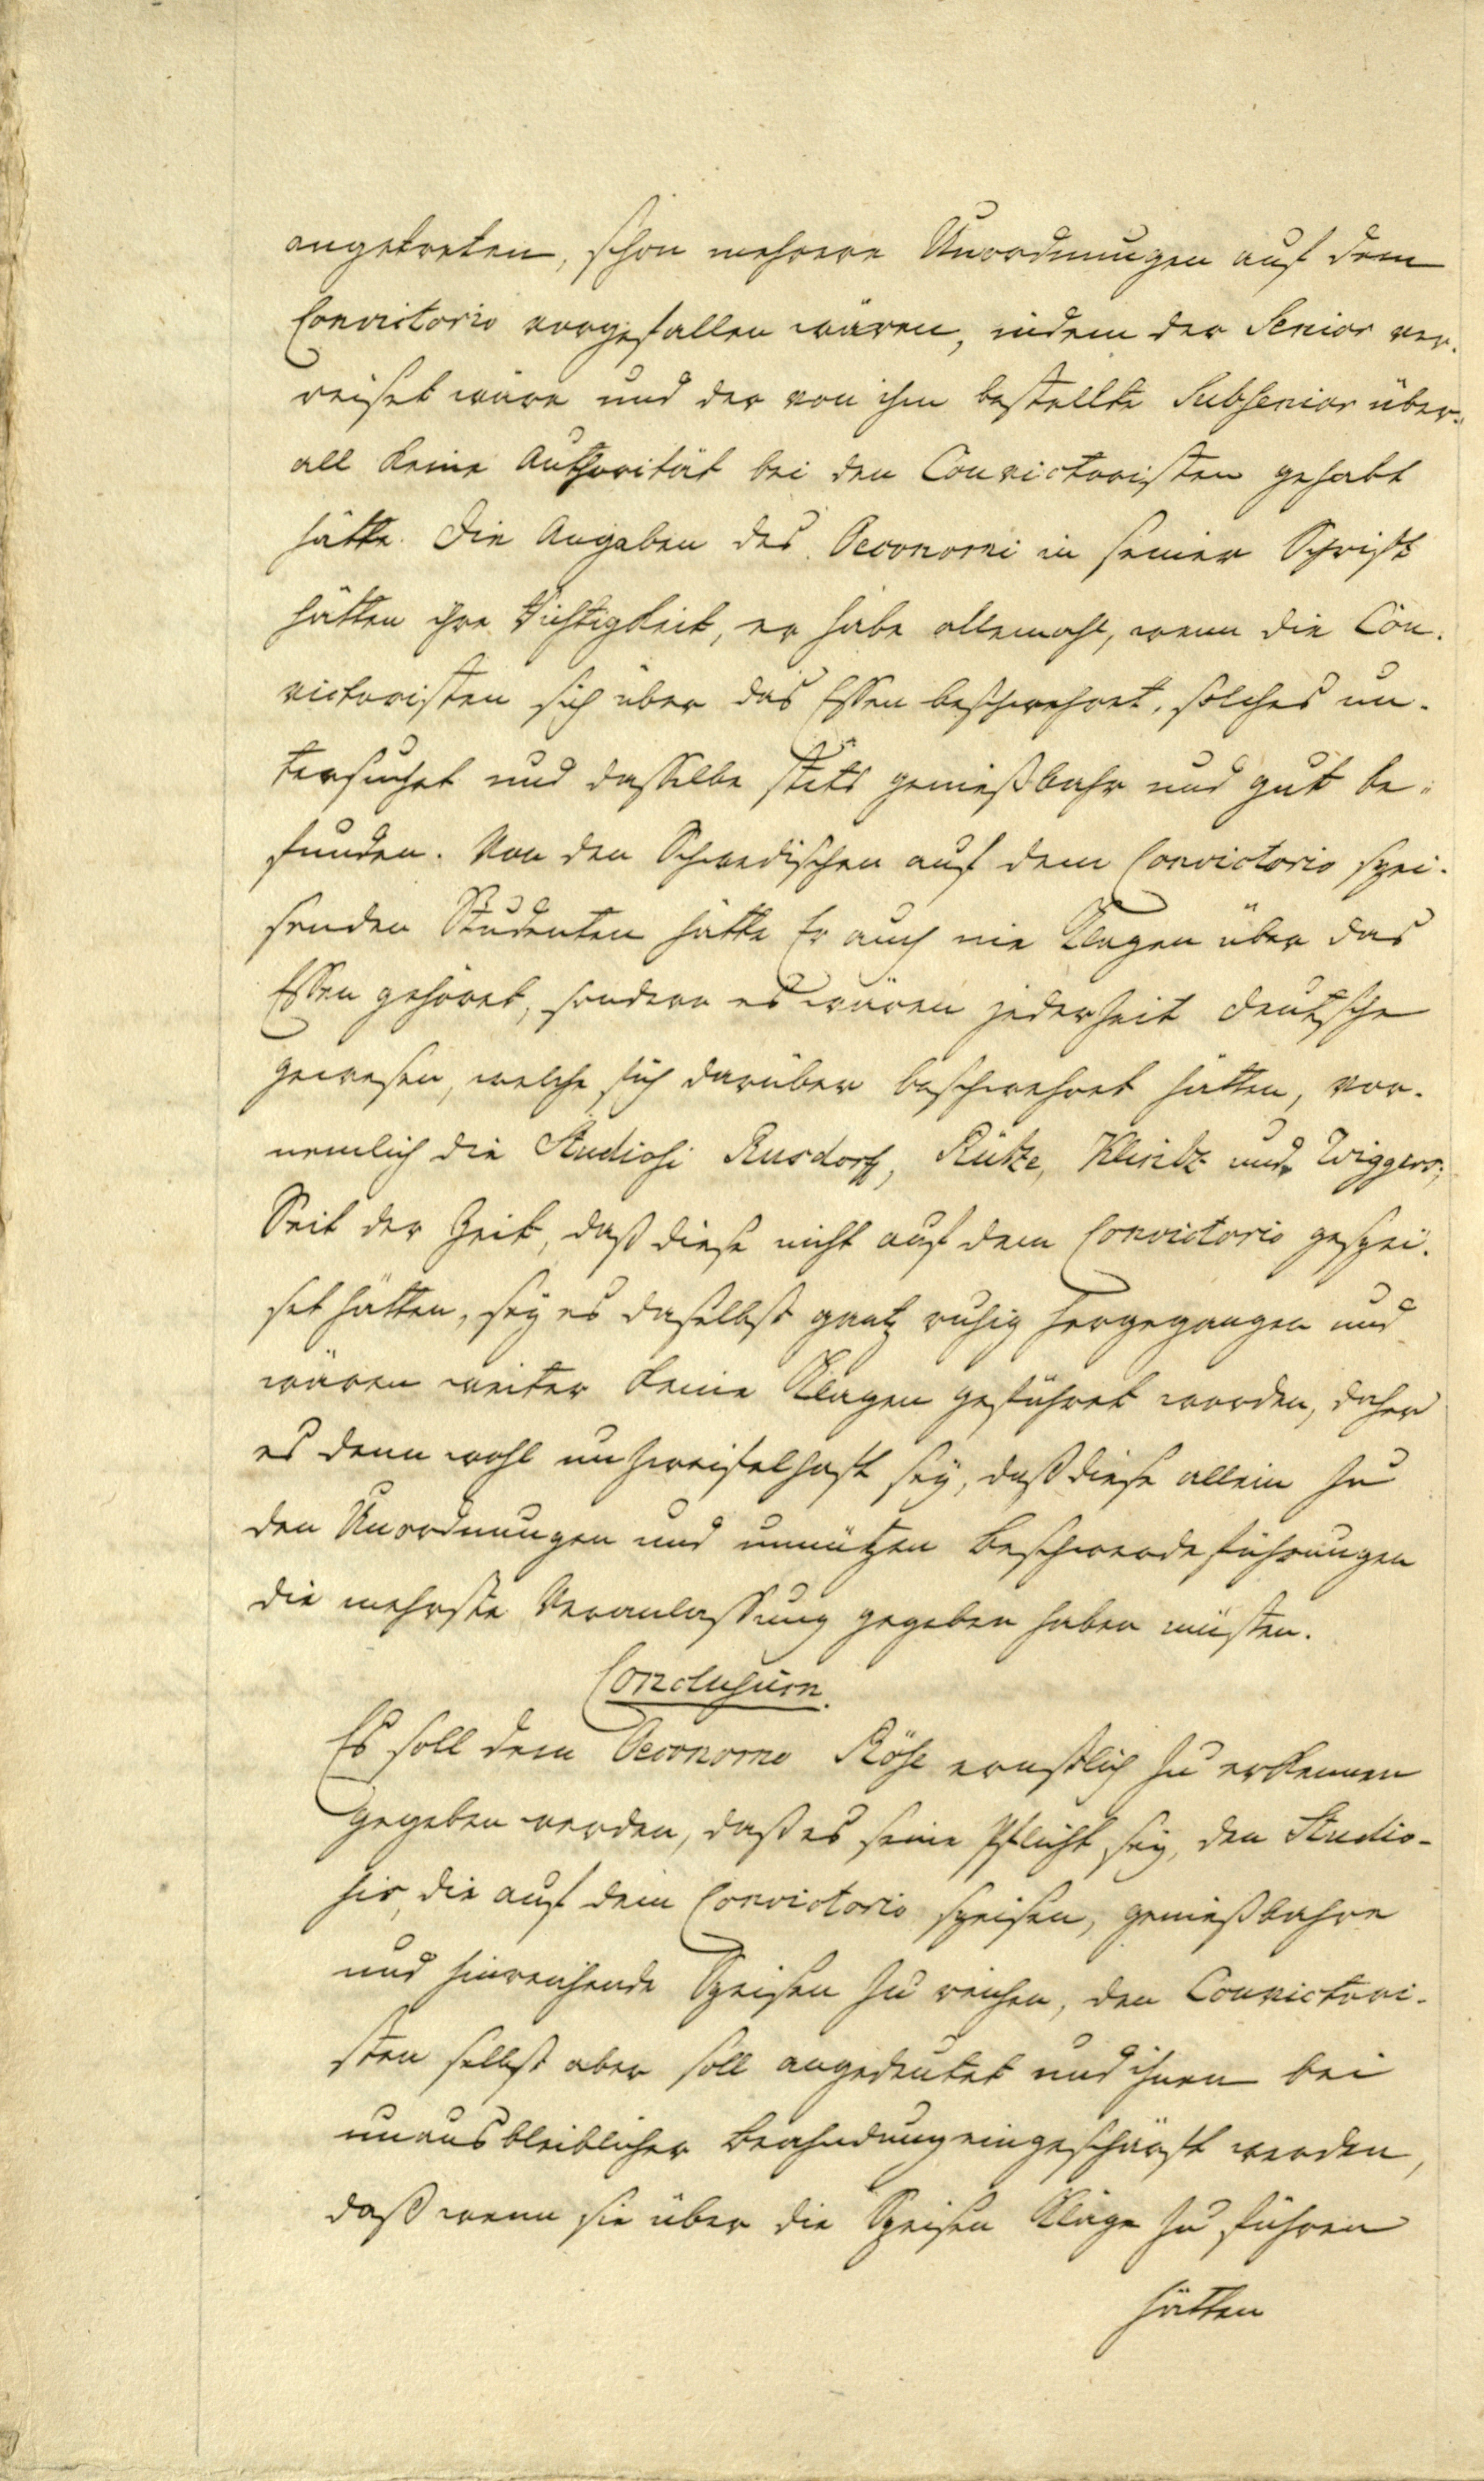angetreten, schon mehrere Unordnungen auf dem
Convictorio vorgefallen wären, indem der Senior ver¬
reiset wäre und der von ihm bestellte Subsenior über¬
all keine Authorität bei den Convictoristen gehabt
hätte. Die Angaben des Oecomomi in seiner Schrift
hätten ihre Richtigkeit, er habe allemahl, wenn die Con¬
vitoristen sich über das Essen beschwehret, solches un¬
tersuchet und dasselbe stets genießbahr und gut be¬
funden. Von den Schwedischen auf dem Convictorio spei¬
senden Studenten hätte Er auch nie Klagen über das
Essen gehöret, sondern es wären jederzeit deutsche
gewesen, welche sich darüber beschwehret hätten, vor¬
nemlich die Studiosi Rusdorff, Rütze, Klintz und Wiggers;
Seit der Zeit, daß diese nicht auf dem Convictorio gespei¬
set hätten, sey es daselbst gantz ruhig hergegangen und
wären weiter keine Klagen geführet worden, daher
es denn wohl unzweifelhaft seÿ, daß diese allein zu
den Unordnungen und unnützen Beschwerdeführungen
die mehrste Veranlassung gegeben haben müßten.
Conclusum.
Es soll dem Oeconomo Röse ernstlich zu erkennen
gegeben werden, daß es seine Pflicht seÿ, den Stuio¬
sis, die auf dem Convictorio speisen, genießbahre
und hinreichende Speisen zu reichen, den Convictori¬
sten selbst aber soll angedeutet und ihnen bei
unausbleiblicher Beahndung eingeschärft werden,
daß wenn sie über die Speisen Klage zu führen
hätten